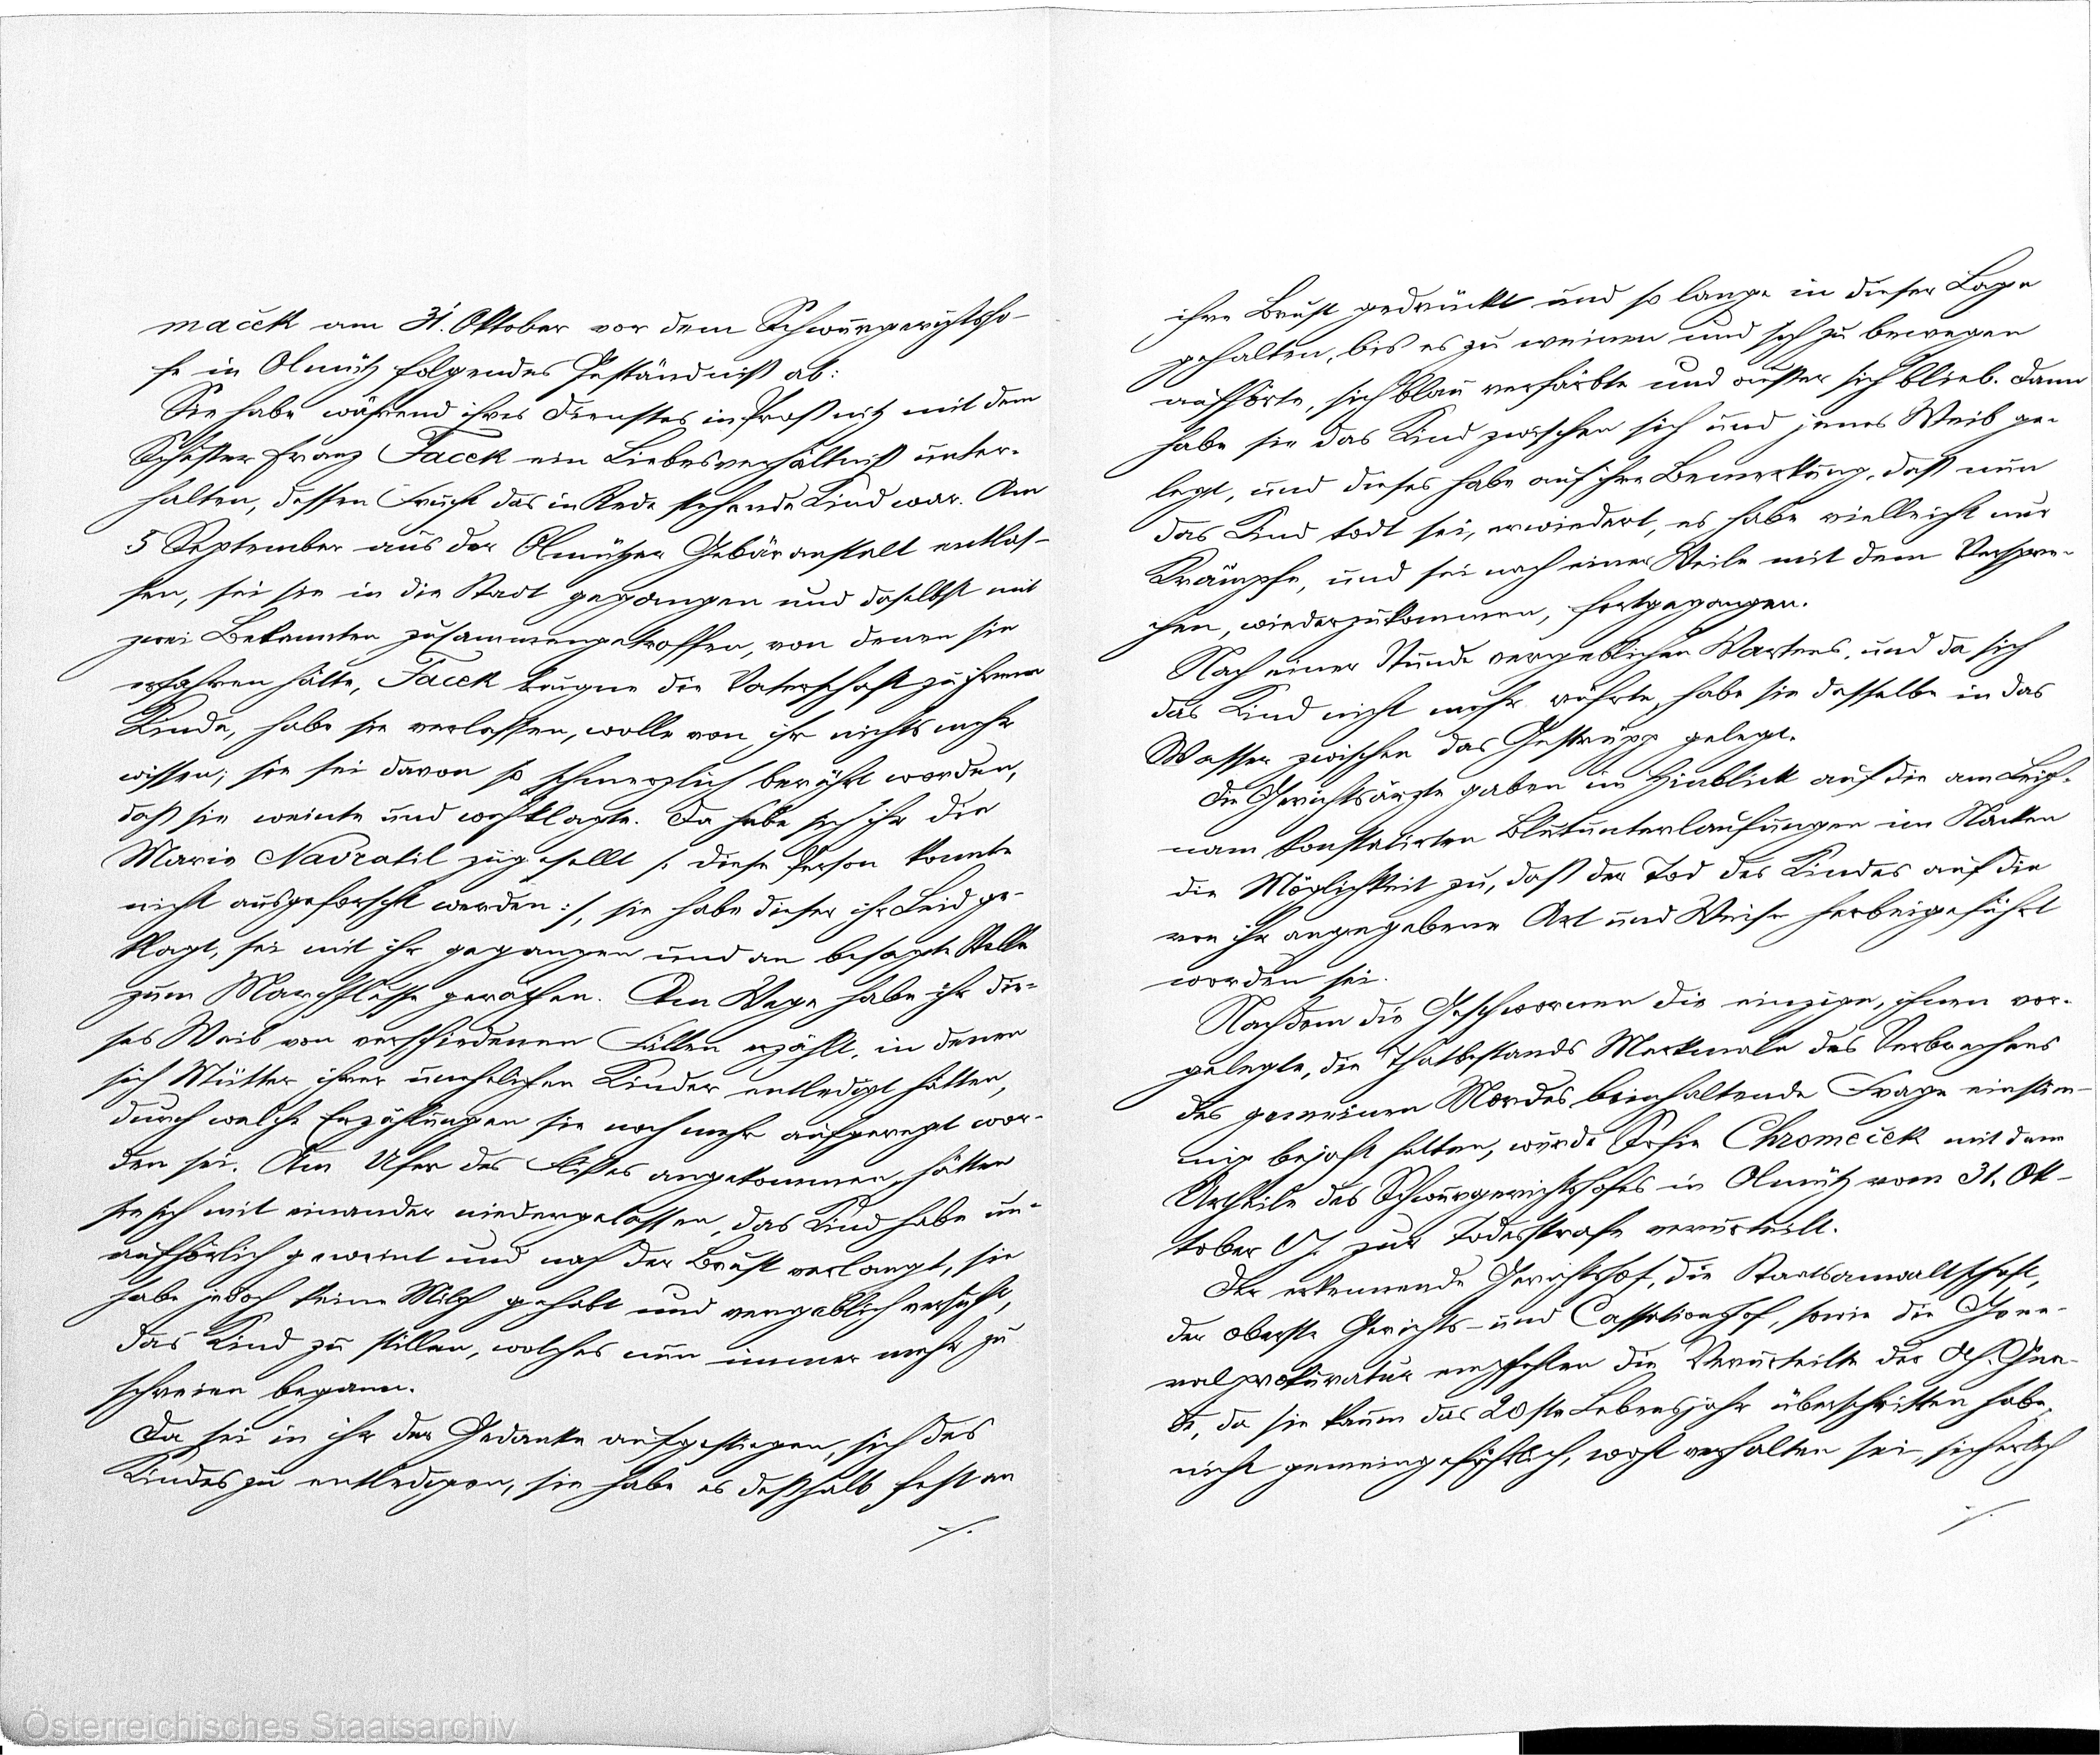maček am 31. Oktober vor dem Schwurgerichtsho¬
fe in Olmütz folgendes Geständnis ab:
Sie habe während ihres Dienstes in Proßnitz mit dem
Schuster Franz Facek ein Liebesverhältniß unter¬
halten, dessen Frucht das in Rede stehende Kind war. Am
5. September aus der Olmüter Gebäranstalt entlas¬
sen, sei sie in die Stadt gegangen und daselbst mit
zwei Bekannten zusammengetroffen, von denen sie
erfahren hatte, Facek leugne die Vaterschaft zu ihrem
Kinde, habe sie verlassen, wolle von ihr nichts mehr
wissen; sie sei davon so schmerzlich berührt worden,
daß sie weinte und
Maria Navzatil zug sellt /: Diese Person Kounte
nicht ausgeforsch werden:/, sie Habe dieser ihr Leid ge¬
Plogt, sei mit ihr gegangen und an besaph Stelle
zum Marchflesse gerathen. Am Wage Habe ihr der¬
sas Weis von verschiedenen Fälben erzählt, in denen
sich Mütter ihrer unchelifen Kinder entledigl Hatten,
Durch walch Erzählungen sie noch wehr aufperegl wor¬
den sei. Am Ufer des Flises angekommen hätter
fesich mit einander einderpalassen, das Kind Habe un¬
aufforlich gewint und noch der brast verlangt, sie
habe jedoch peim Wilch gehabe und vergablich verhähl,
das kind zu stillen, wolches nun einmer wehr zu
schweien begaen
Da sie in ihr der Gedanke aufgesliegen, sich des
Kindes zu entledepon, sie Habe as desselb fessen
ihre Brust gedrückt und so lange in dieser Lage
gehalten, bis es zu weinen und soch zu bewegen
vafförte, sich blau verfärbte und arster sich blieb. dann
Habe sie das Kind zwischen sich und janes Weis ge¬
lagt, und dieses habe auf fre bemerkung, daß nun
das kind todt sei, erwiedert, es habe wielleicht wur
Krämpfe, und sei nach einer Weile mit dem Verspre¬
chen, wiederzukommen, fortpagangen.
Nach einer Stunde vergeblicher Warters, und da sich
das Kind nicht mehr vöfrte, habe sie dasselbe in das
Wasser zwischen das Gestrüpp gelege
die Gerichtsauzte gaben in hiablick auf die am leif¬
nam Konstatirten Blutuntenlaufungen im Nacken
die Möglichkeit zu, daß der tod des Kindes auf die
ver ihr angegebene Art und Weise Herbeigefährt
worden sei.
Nach dem die Geschworeme die einzige, ihrem vor¬
gelagte, die Thatbstands Markundle das Verbrachens
das gemeinen Mordes beinhaltende Frage eirstie¬
mig beiahr halten, wurde Sofie Chromecek mit dem
Artheile des Schwurgerinstshofes in Olmutz vom 31. Ok¬
tober J. zur Todesstrafe vevurteilt.
Der erkennende Gerchshof, die Startsamvaltschhoft,
der oberste Gerichts- und Cassationhof, sowie die Gorr¬
valprokuratur emchoften die Verurteille der G. Gur¬
de, da sie Kaum das 20ste lebersjahr üerschritten habe
nicht gemeingeföhtich, wohl vehalten sei, sichertch